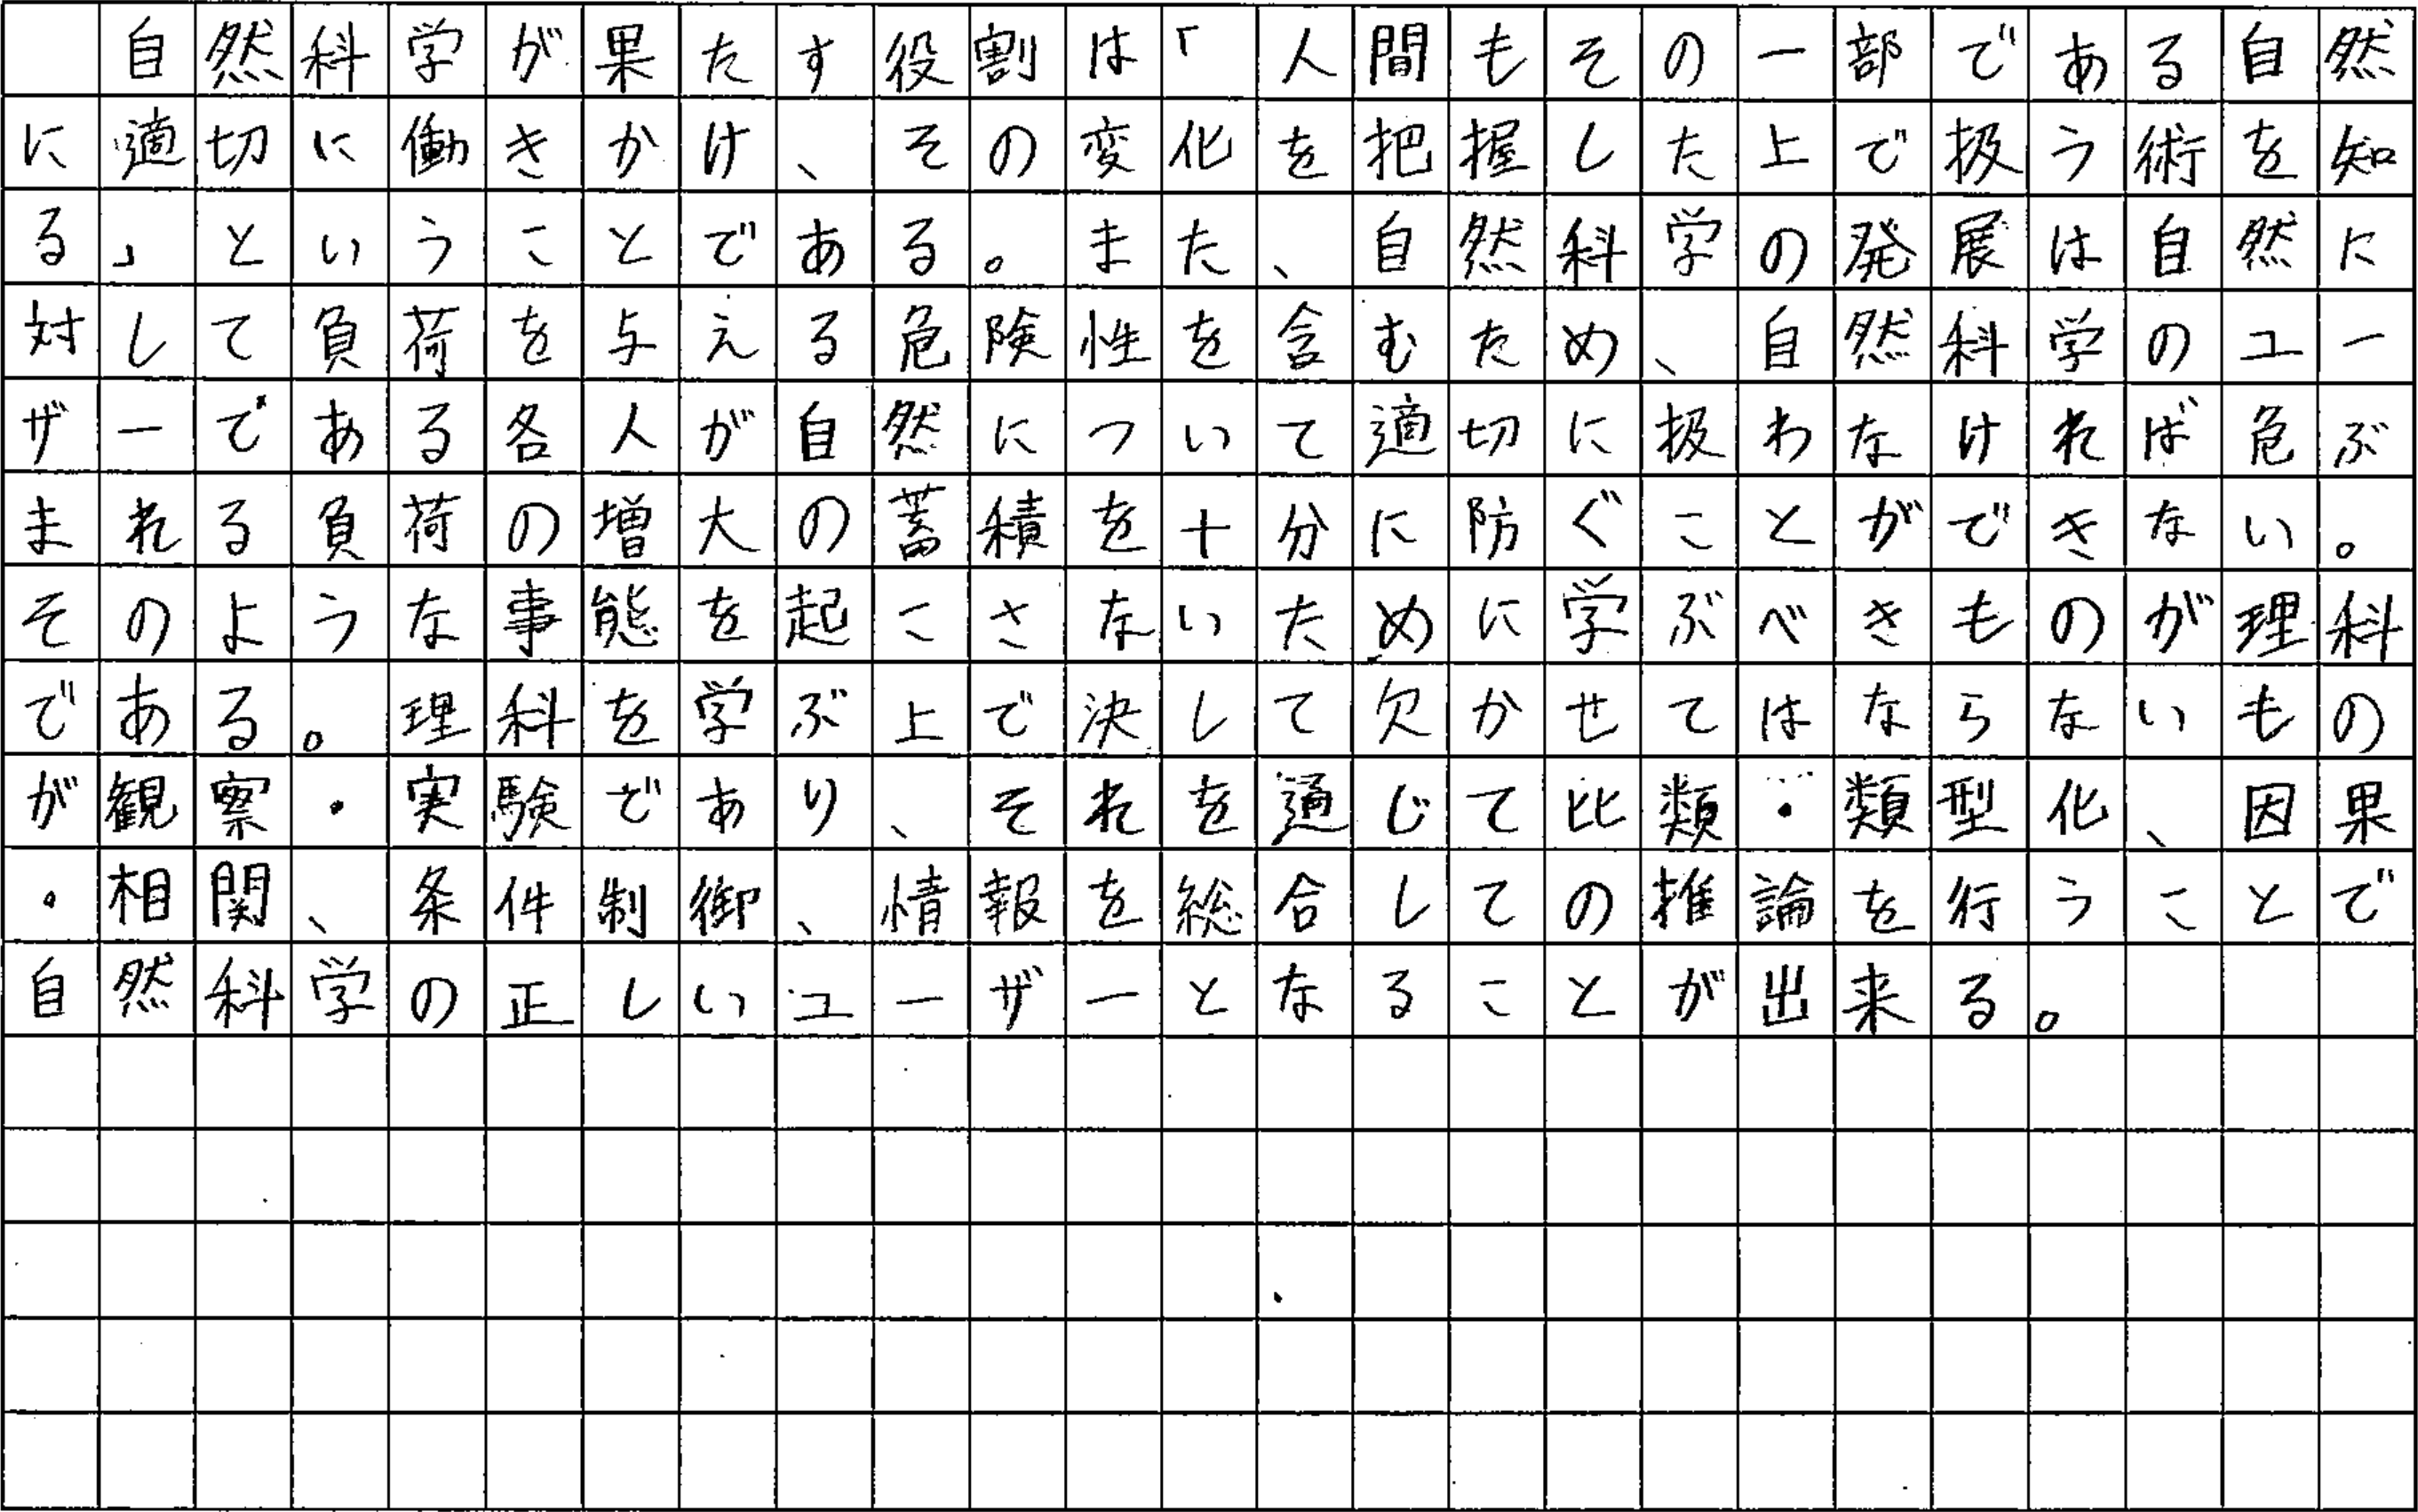　自然科学が果たす役割は「人間もその一部である自然に適切に働きかけ、その変化を把握した上で扱う術を知る」ということである。また、自然科学の発展は自然に対して負荷を与える危険性を含むため、自然科学のユーザーである各人が自然について適切に扱わなければ危ぶまれる負荷の増大の蓄積を十分に防ぐことができない。そのような事態を起こさないために学ぶべきものが理科である。理科を学ぶ上で決して欠かせてはならないものが観察・実験であり、それを通じて比類・類型化、因果・相関、条件制御、情報を総合しての推論を行うことで自然科学の正しいユーザーとなることが出来る。
